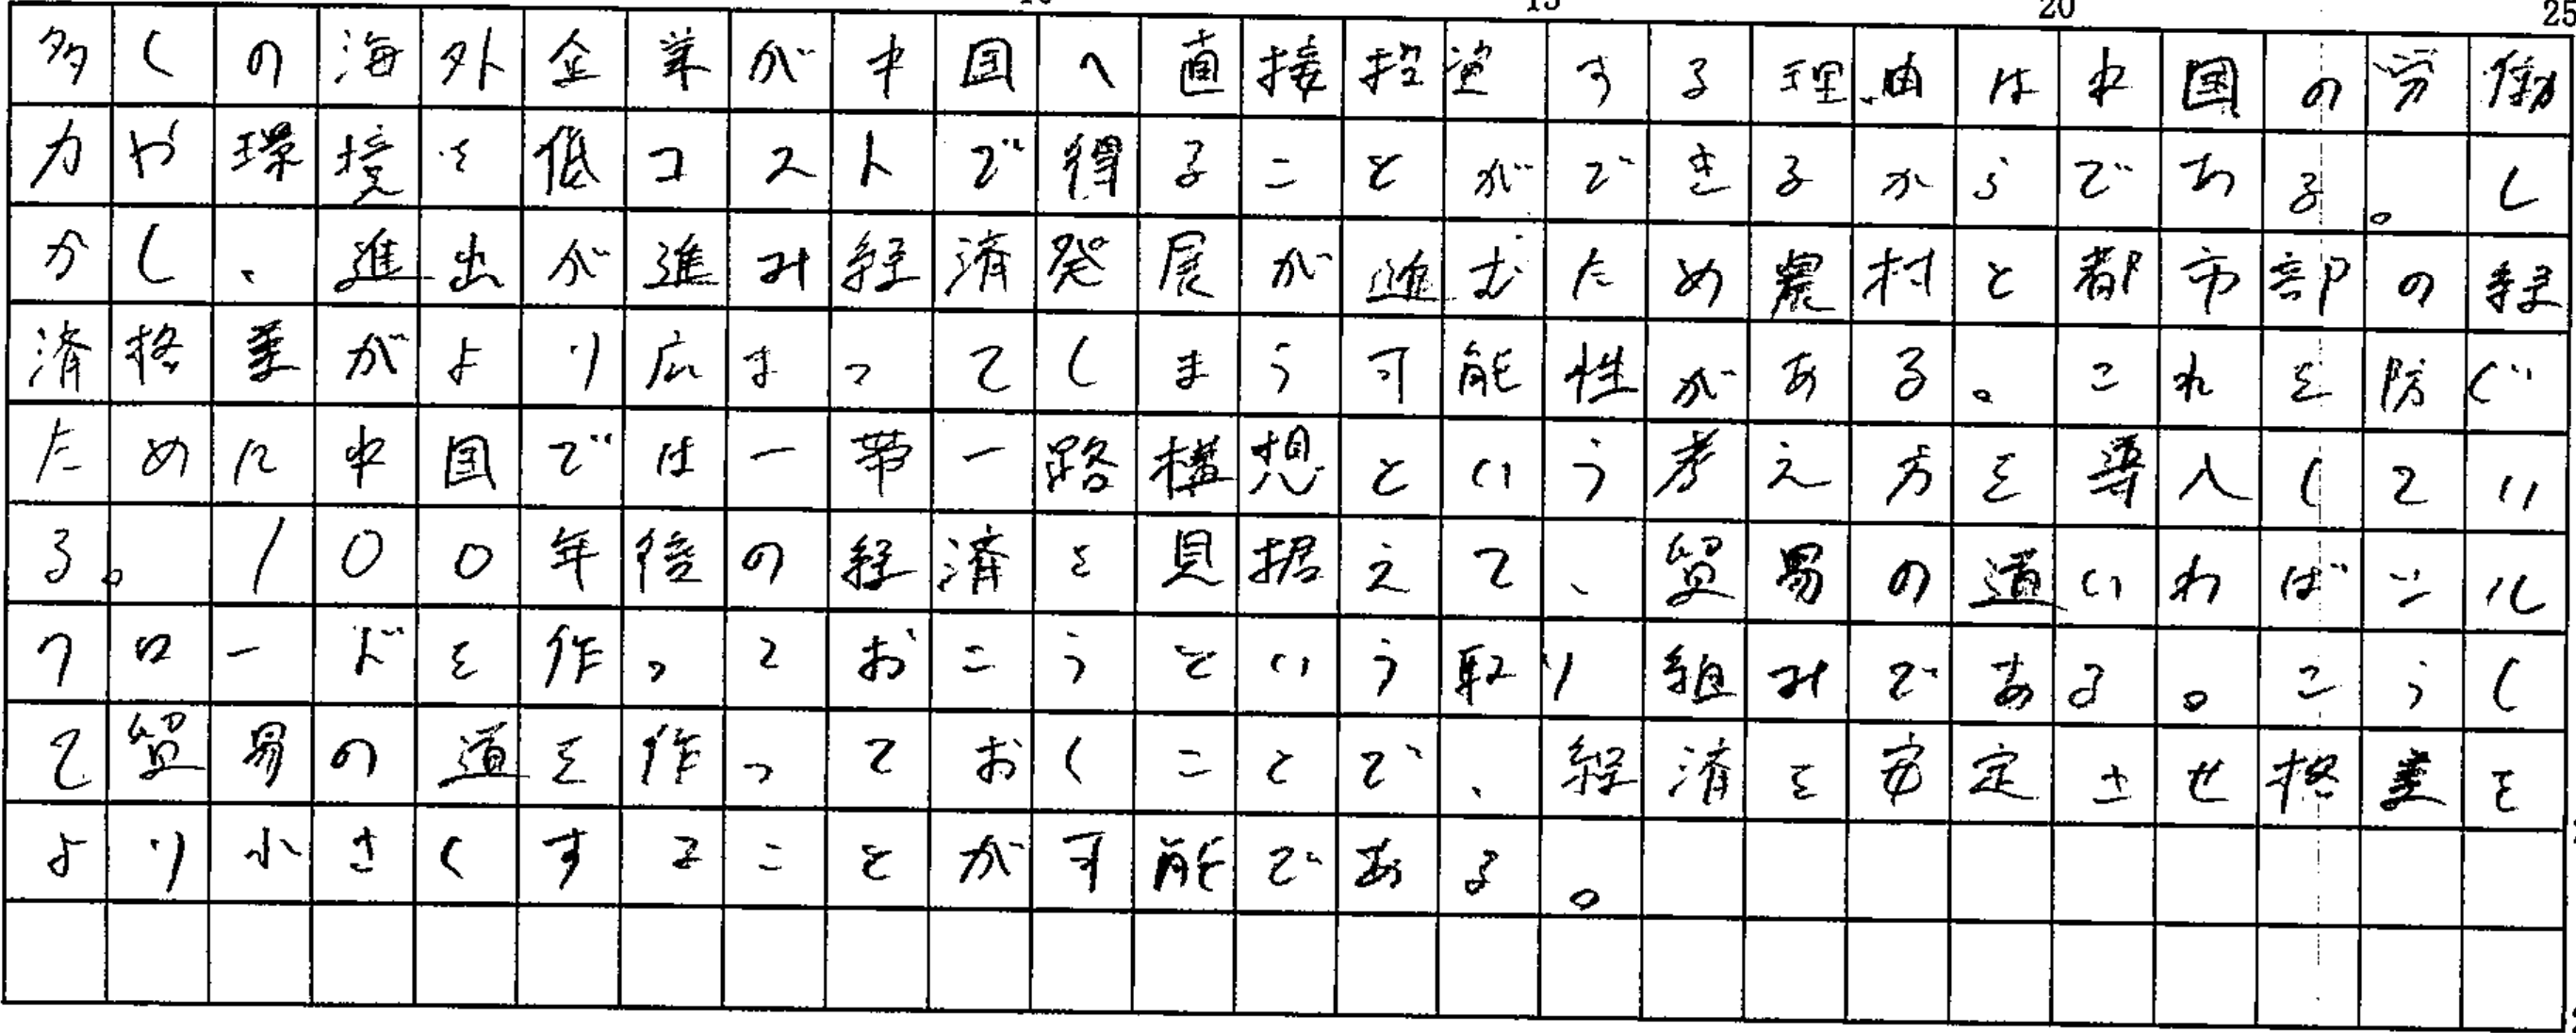多くの海外企業が中国へ直接投資する理由は中国の労働力や環境を低コストで得ることができるからである。しかし、進出が進み経済発展が進むため農村と都市部の経済格差がより広まってしまう可能性がある。これを防ぐために中国では一帯一路構想という考え方を導入している。１００年後の経済を見据えて、貿易の道いわばシルクロードを作っておこうという取り組みである。こうして貿易の道を作っておくことで、経済を安定させ格差をより小さくすることが可能である。
